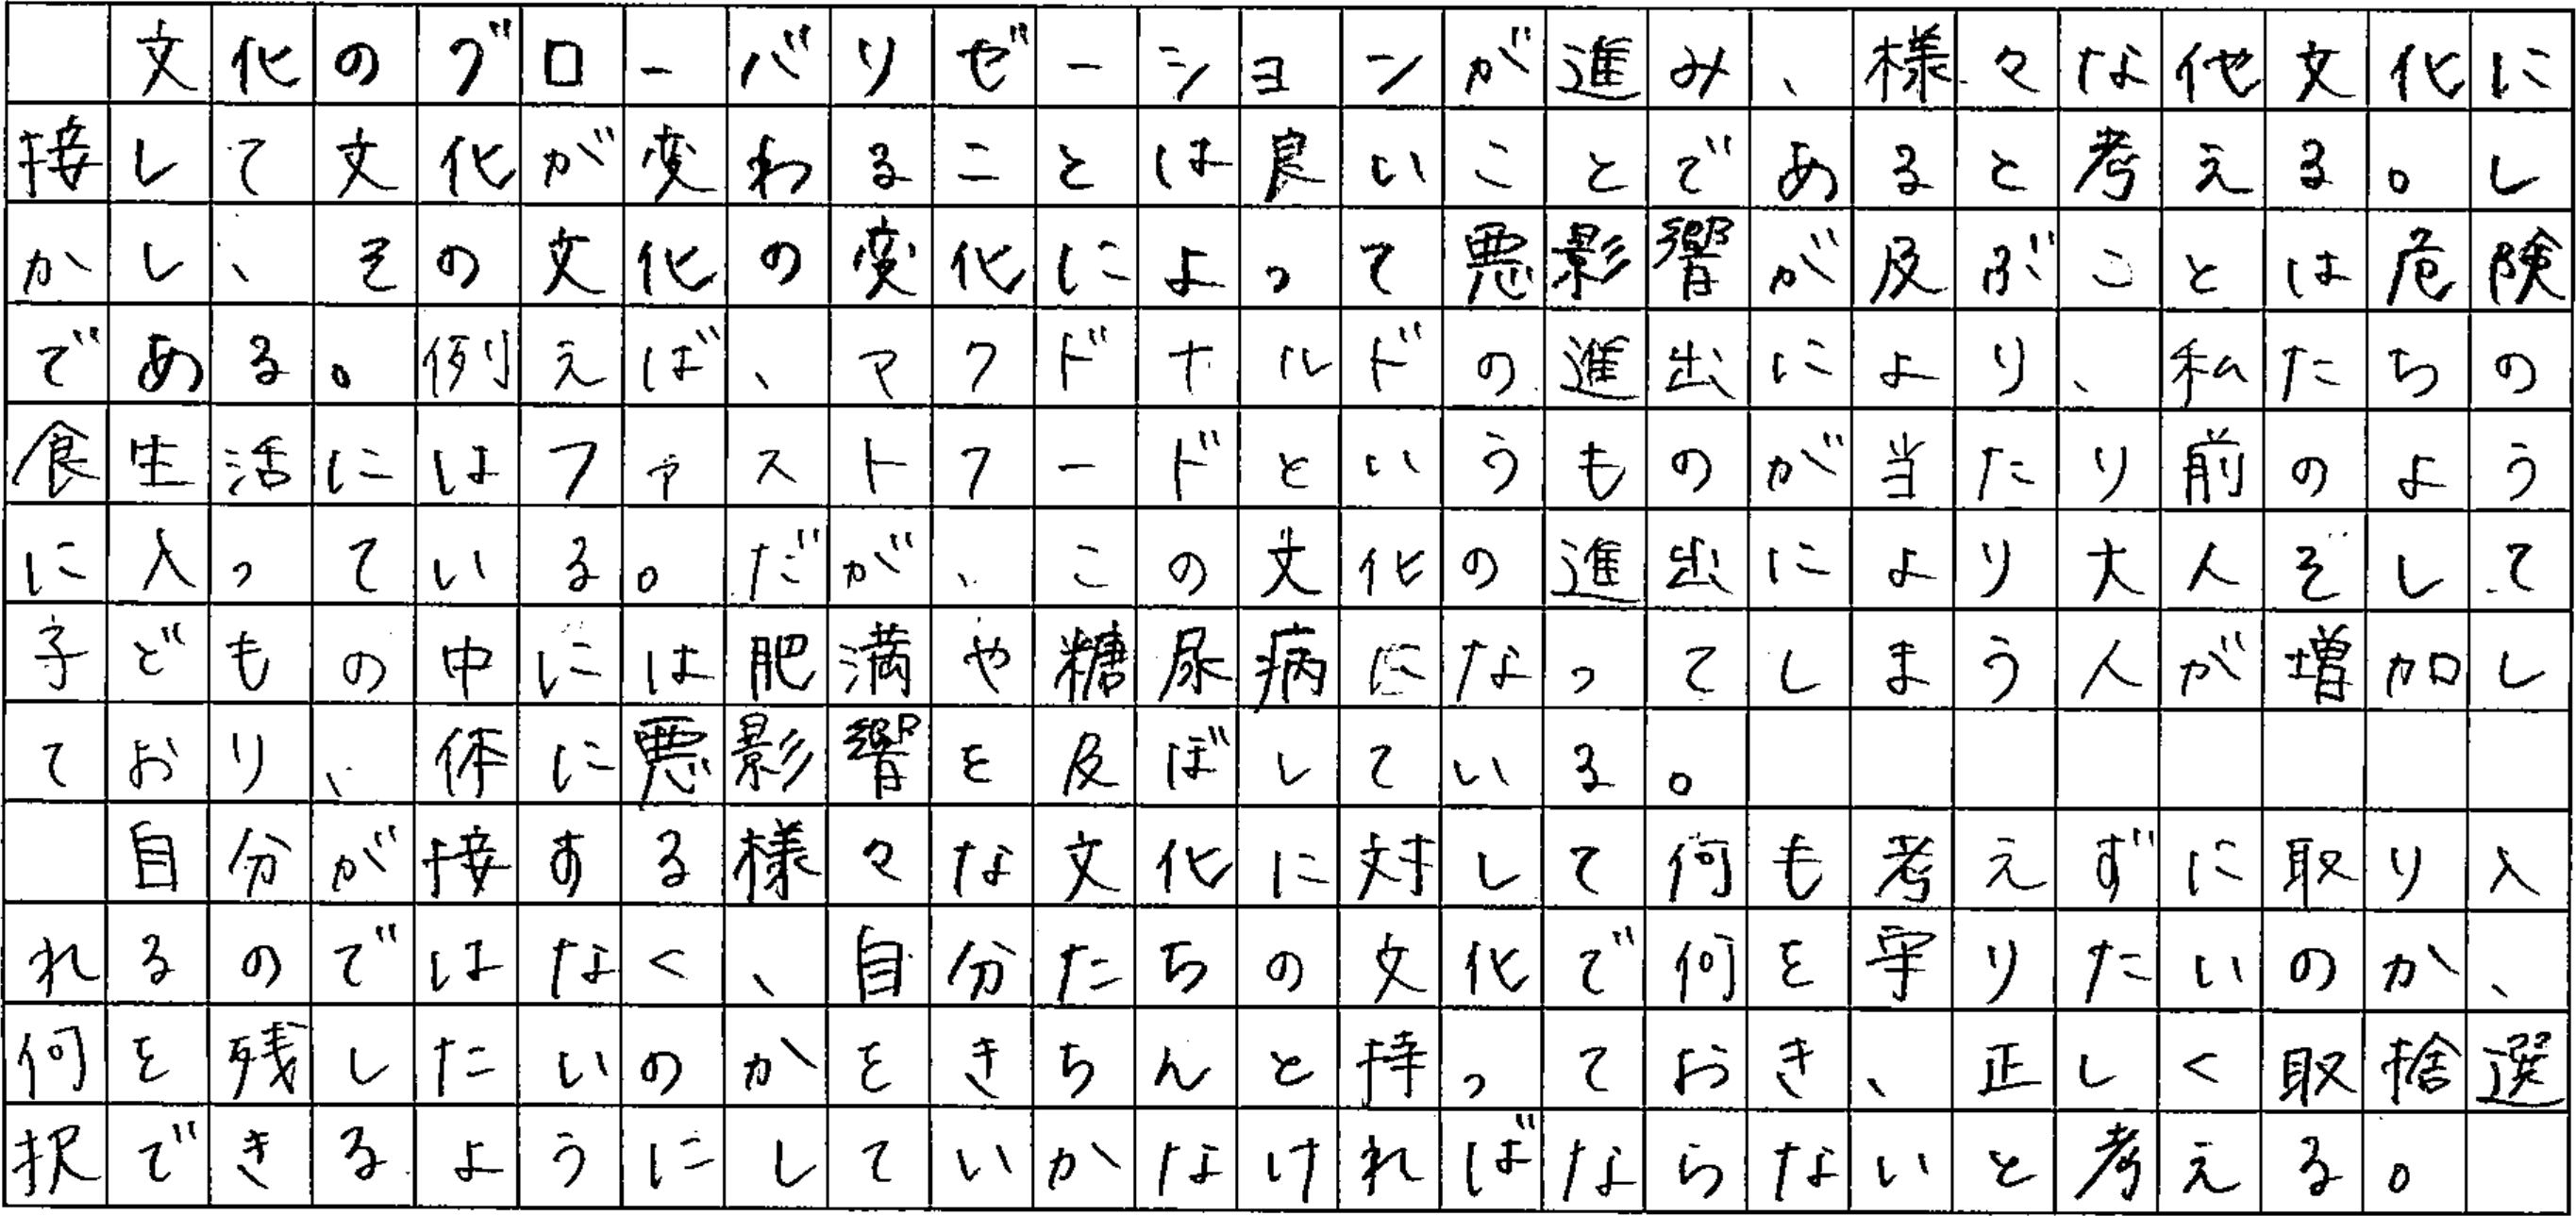　文化のグローバリゼーションが進み、様々な他文化に接して文化が変わることは良いことであると考える。しかし、その文化の変化によって悪影響が及ぶことは危険である。例えば、マクドナルドの進出により、私たちの食生活にはファストフードというものが当たり前のように入っている。だが、この文化の進出により大人そして子どもの中には肥満や糖尿病になってしまう人が増加しており、体に悪影響を及ぼしている。
　自分が接する様々な文化に対して何も考えずに取り入れるのではなく、自分たちの文化で何を守りたいのか、何を残したいのかをきちんと持っておき、正しく取捨選択できるようにしていかなければならないと考える。
